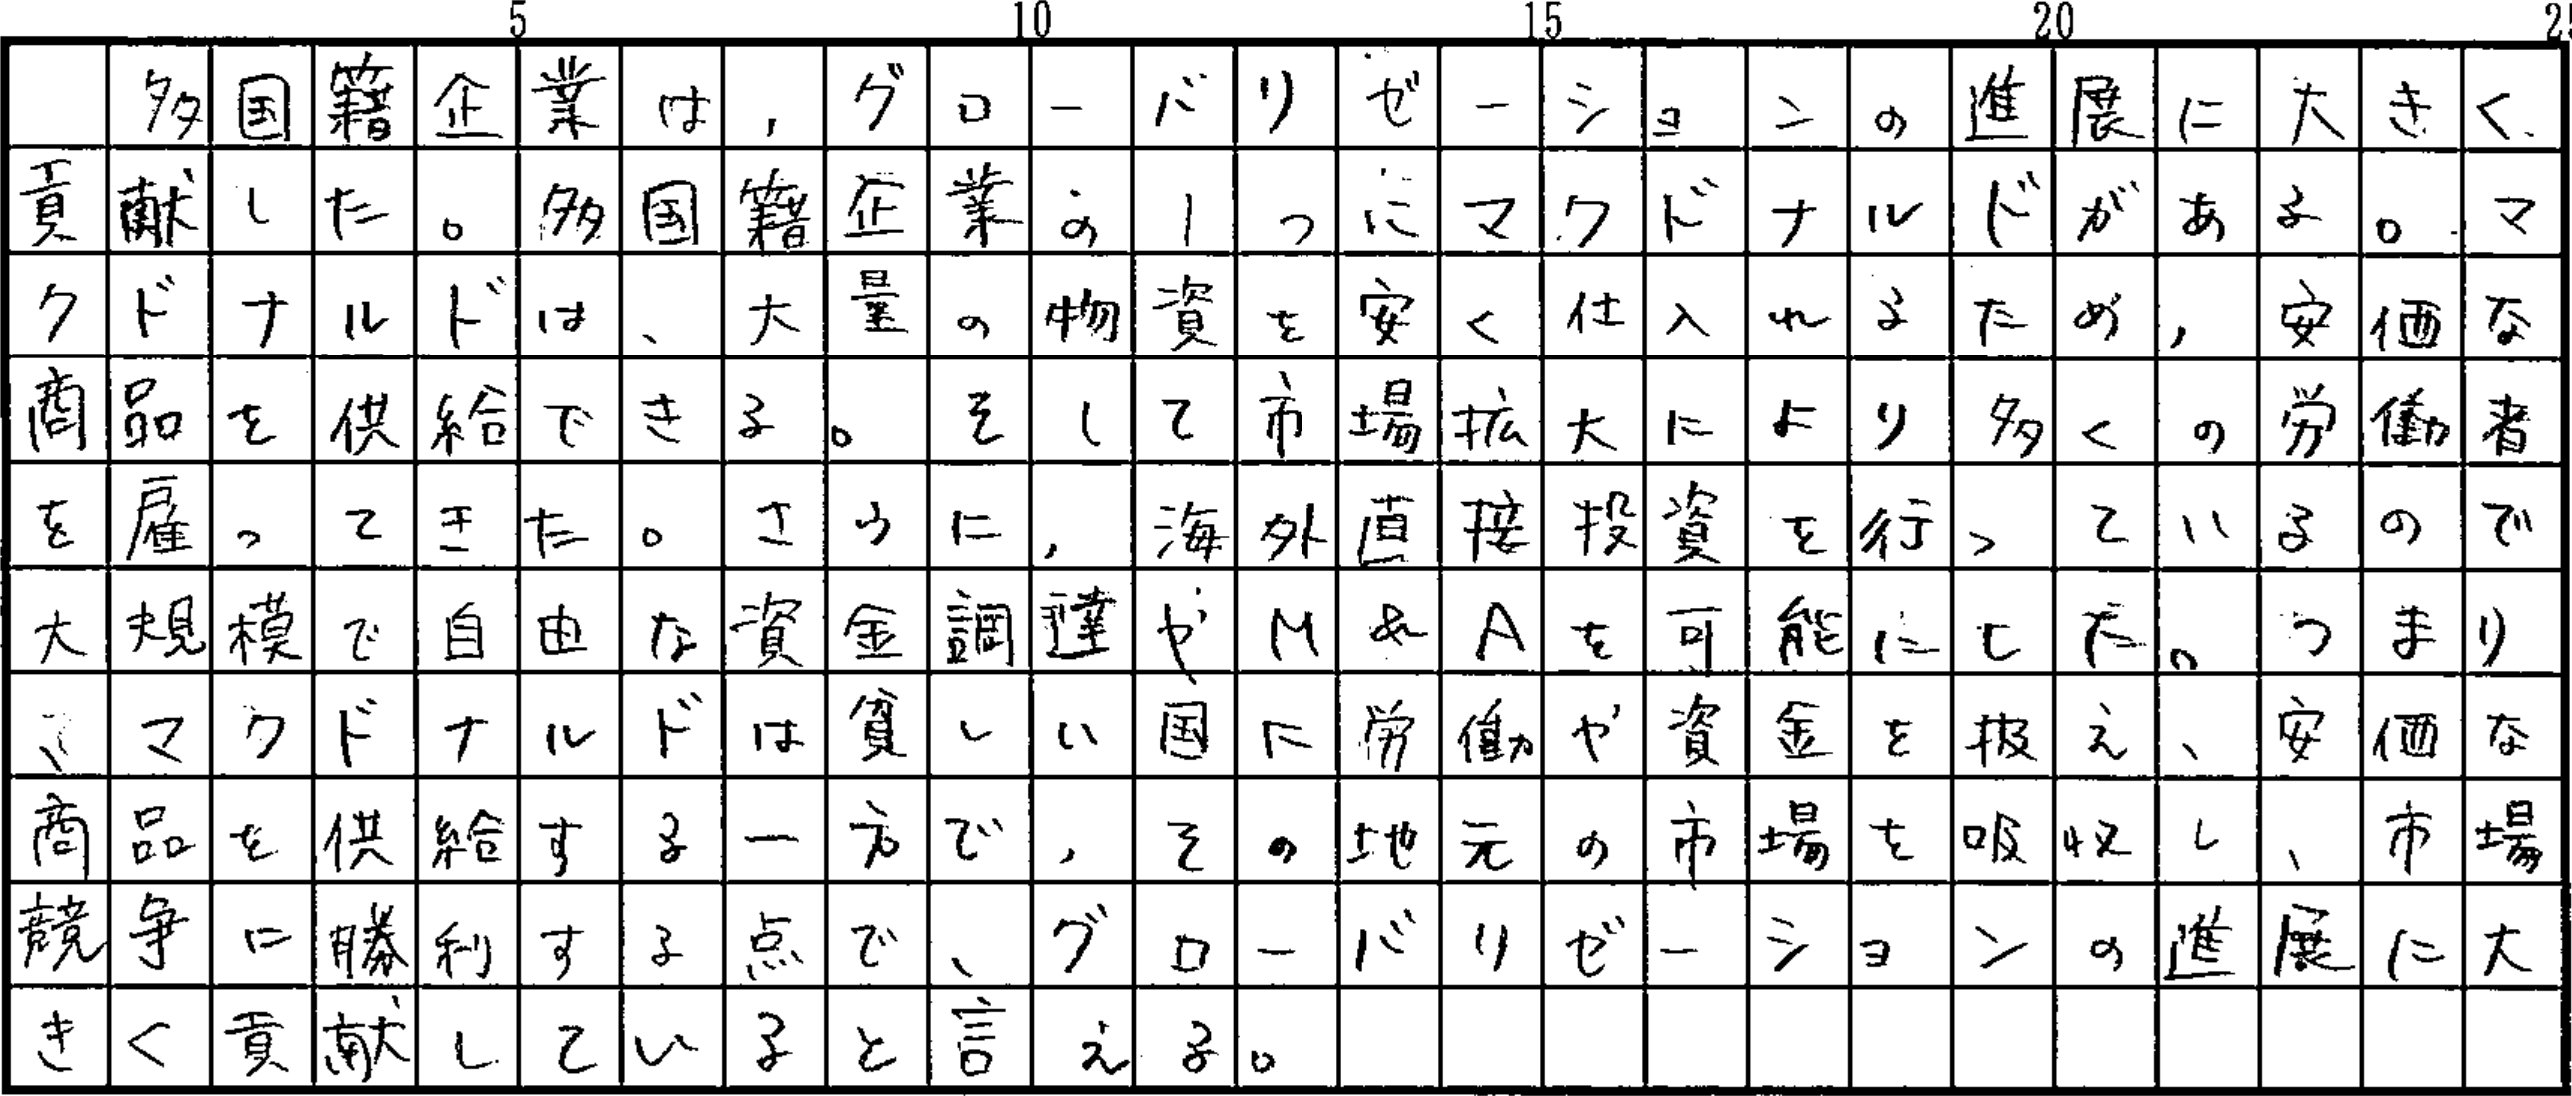　多国籍企業は、グローバリゼーションの進展に大きく貢献した。多国籍企業の１つにマクドナルドがある。マクドナルドは、大量の物資を安く仕入れるため、安価な商品を供給できる。そして市場拡大により多くの労働者を雇ってきた。さらに、海外直接投資を行っているので大規模で自由な資金調達やＭ＆Ａを可能にした。つまり、マクドナルドは貧しい国に労働や資金を扱え、安価な商品を供給する一方で、その地元の市場を吸収し、市場競争に勝利する点で、グローバリゼーションの進展に大きく貢献していると言える。
